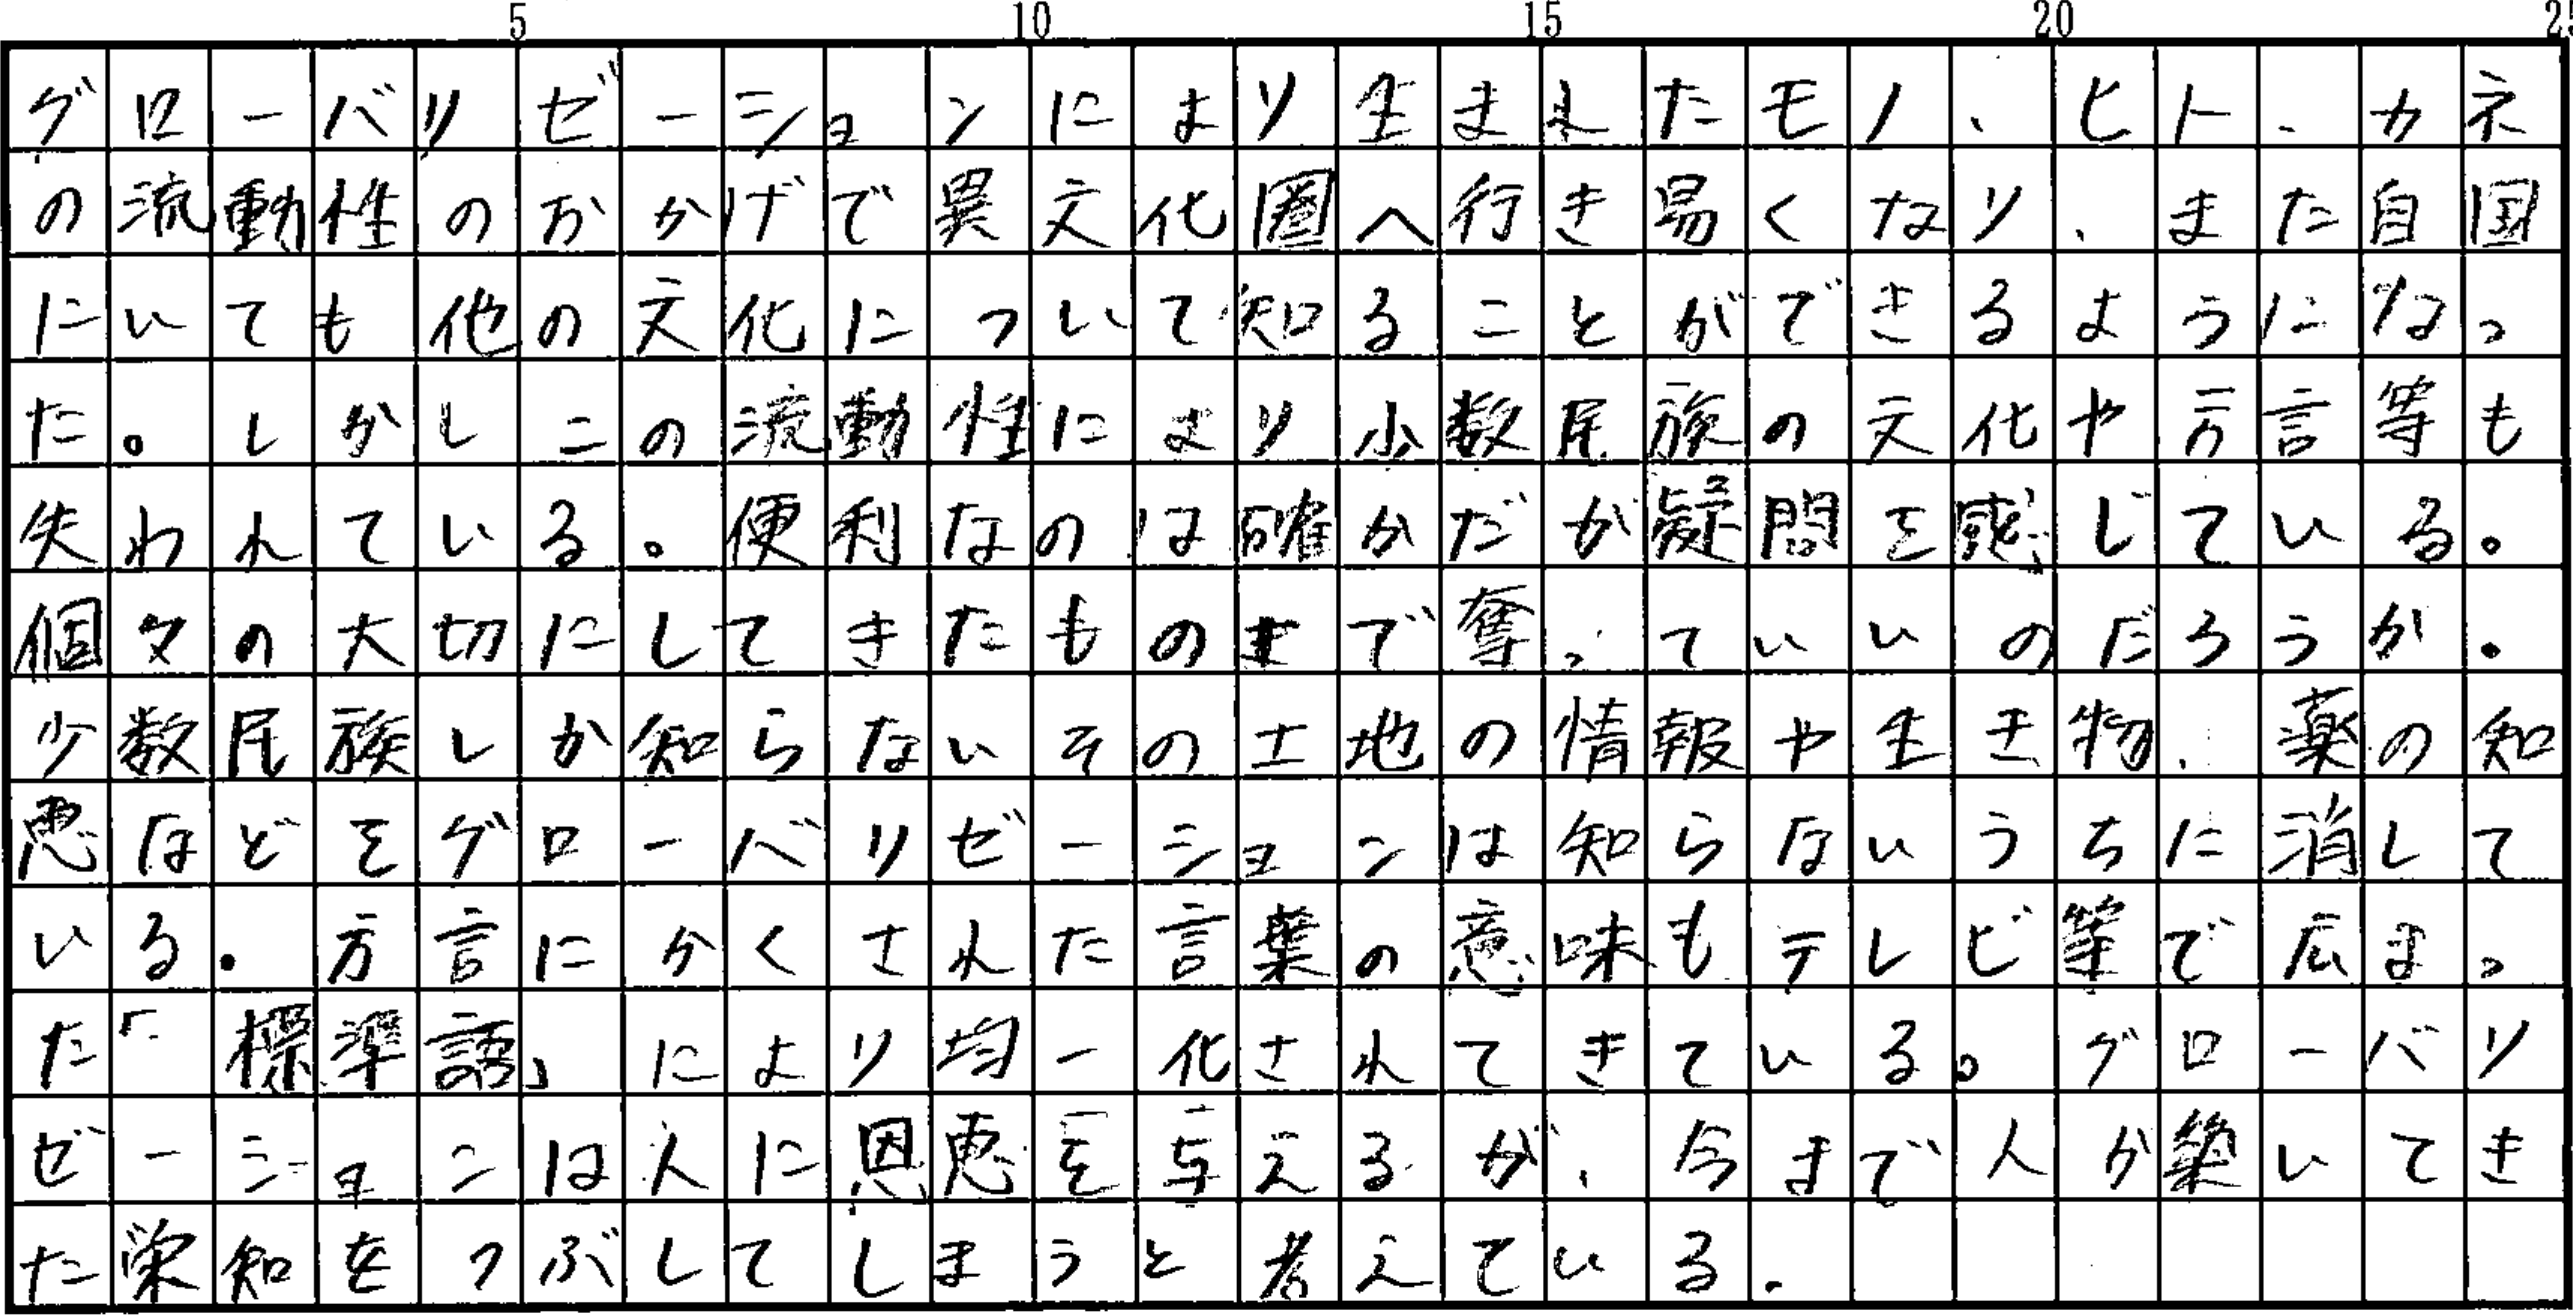グローバリゼーションにより生まれたモノ、ヒト、カネの流動性のおかげで異文化圏へ行き易くなり、また自国にいても他の文化について知ることができるようになった。しかしこの流動性により少数民族の文化や方言等も失われている。便利なのは確かだが疑問を感じている。個々の大切にしてきたものまで奪っていいのだろうか。少数民族しか知らないその土地の情報や生き物、薬の知恵などをグローバリゼーションは知らないうちに消している。方言にかくされた言葉の意味もテレビ等で広まった「標準語」により均一化されてきている。グローバリゼーションは人に恩恵を与えるが、今まで人が築いてきた栄知をつぶしてしまうと考えている。
